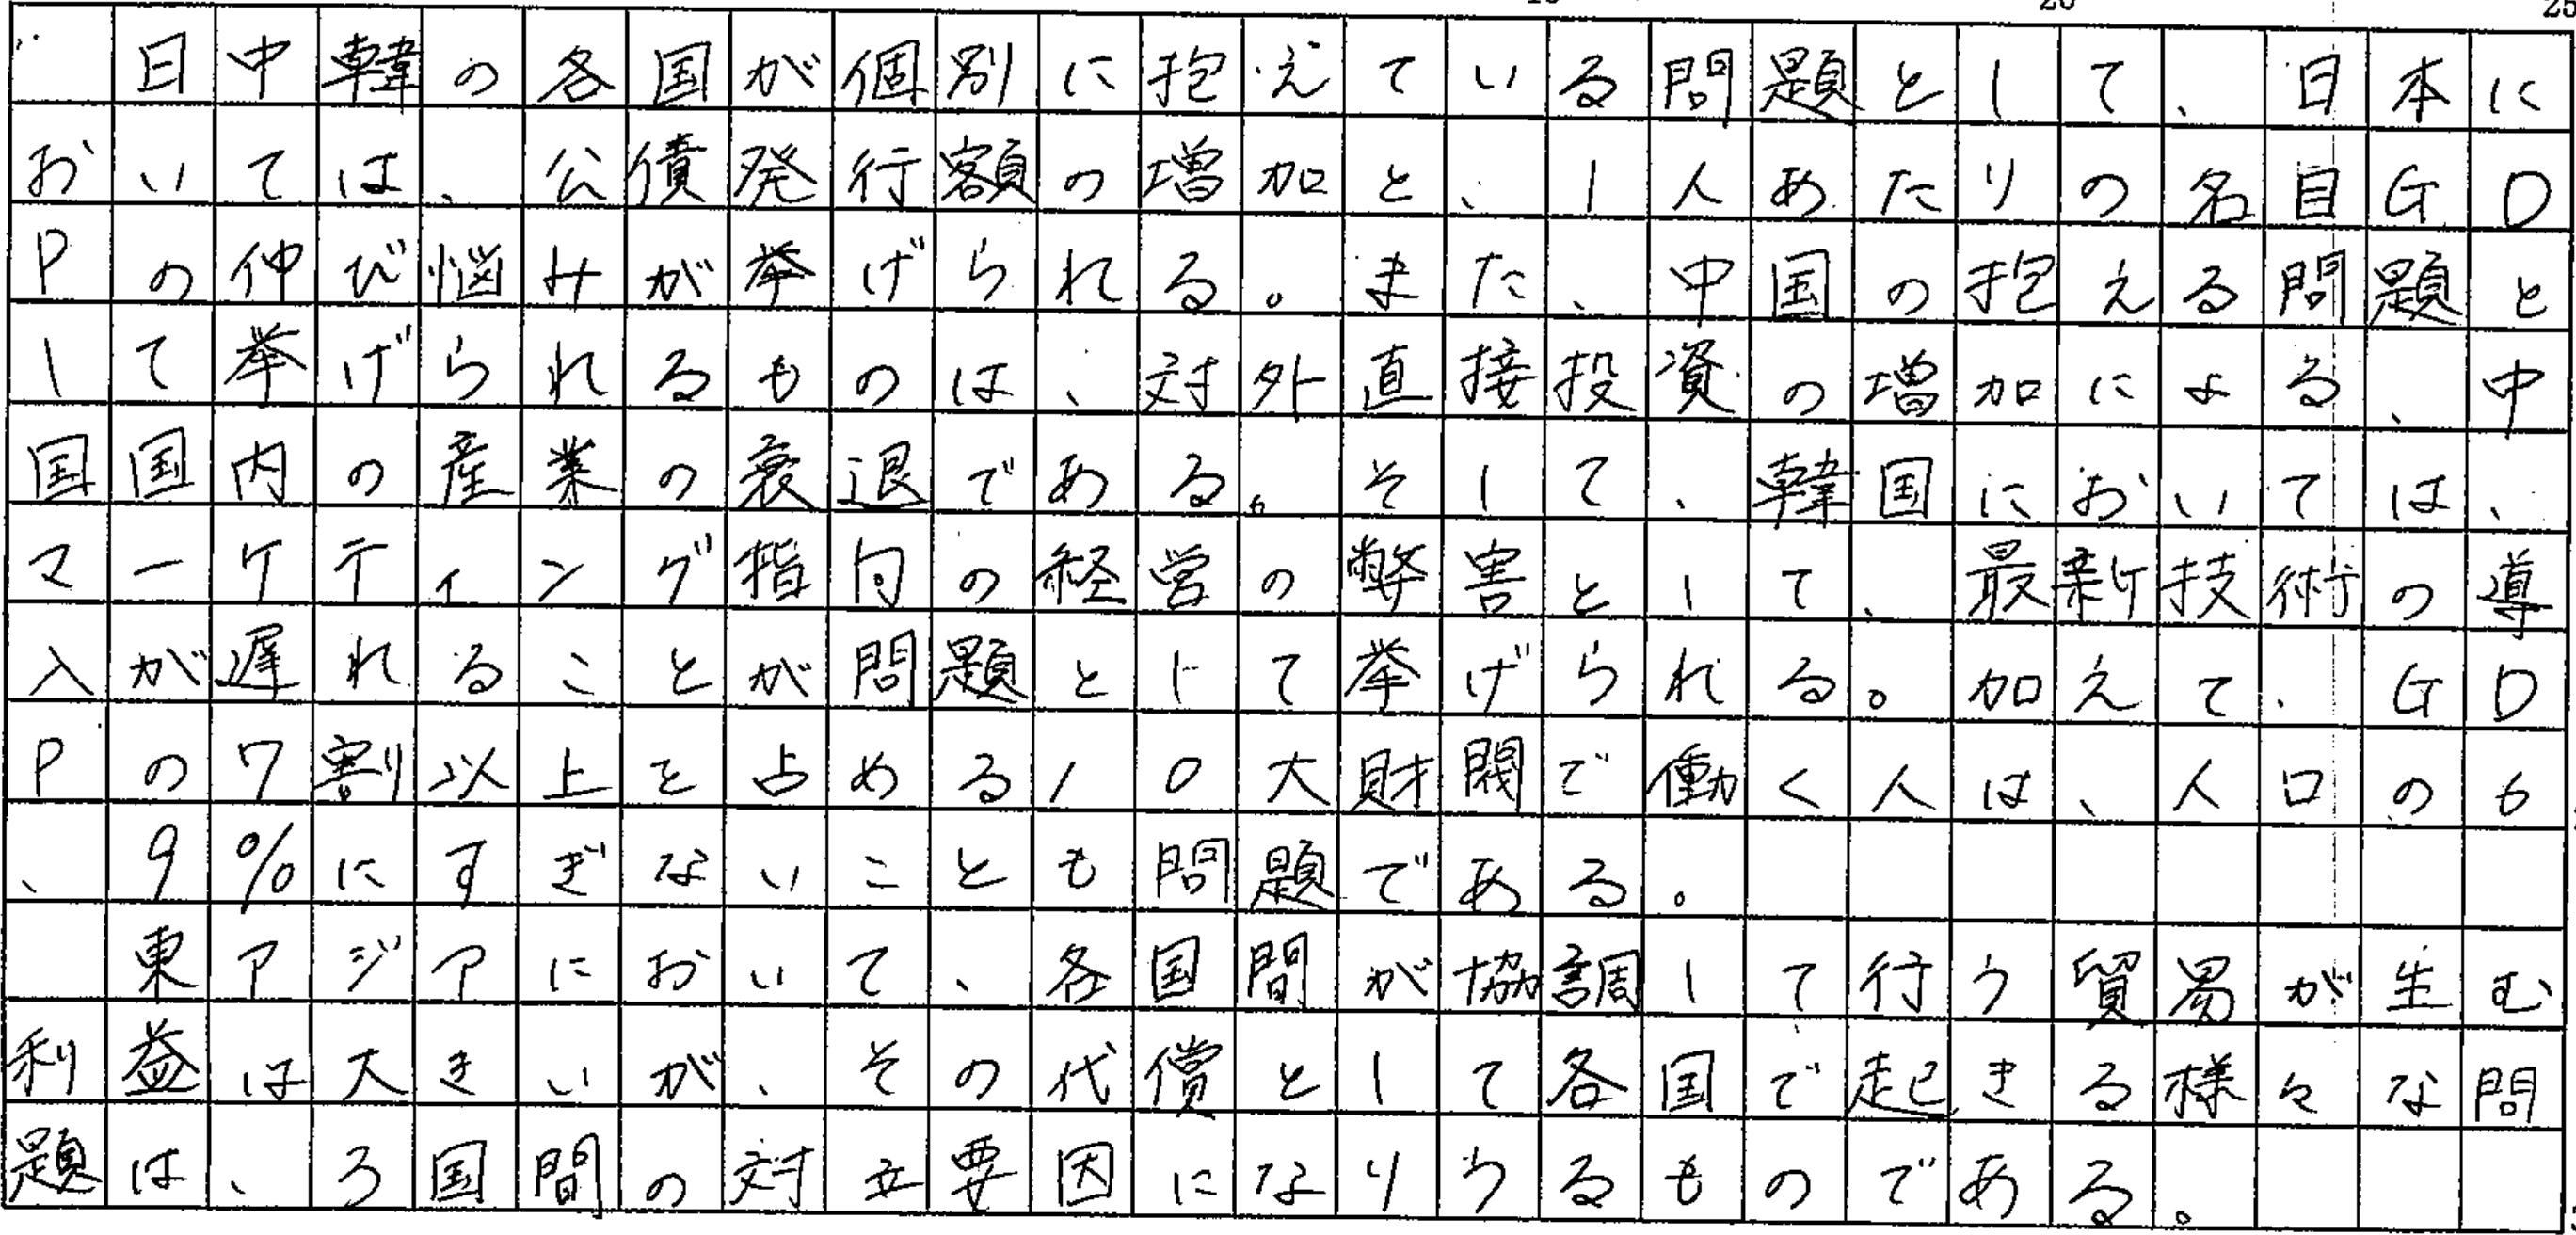　日中韓の各国が個別に抱えている問題として、日本においては、公債発行額の増加と、１人あたりの名目ＧＤＰの伸び悩みが挙げられる。また、中国の抱える問題として挙げられるものは、対外直接投資の増加による、中国国内の産業の衰退である。そして、韓国においては、マーケティング指向の経営の弊害として、最新技術の導入が遅れることが問題として挙げられる。加えて、ＧＤＰの７割以上を占める１０大財閥で働く人は、人口の６．９％にすぎないことも問題である。
　東アジアにおいて、各国間が協調して行う貿易が生む利益は大きいが、その代償として各国で起きる様々な問題は、３国間の対立要因になりうるものである。
